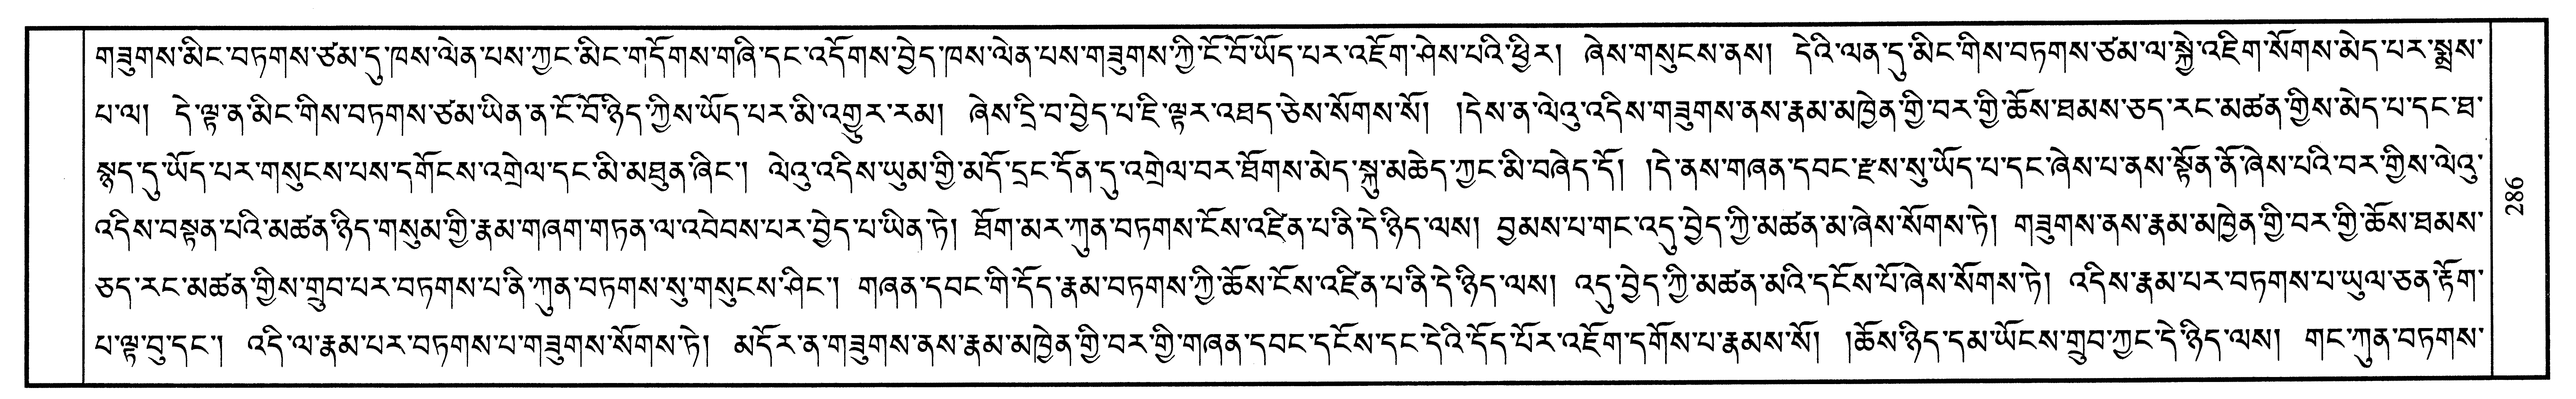གཟུགས་མིང་བཏགས་ཙམ་དུ་ཁས་ལེན་པས་ཀྱང་མིང་གདོགས་གཞི་དང་འདོགས་བྱེད་ཁས་ལེན་པས་གཟུགས་ཀྱི་ངོ་བོ་ཡོད་པར་འཇོག་ཤེས་པའི་ཕྱིར། ཞེས་གསུངས་ནས། དེའི་ལན་དུ་མིང་གིས་བཏགས་ཙམ་ལ་སྐྱེ་འཇིག་སོགས་མེད་པར་སྨྲས་
པ་ལ། དེ་ལྟ་ན་མིང་གིས་བཏགས་ཙམ་ཡིན་ན་ངོ་བོ་ཉིད་ཀྱིས་ཡོད་པར་མི་འགྱུར་རམ། ཞེས་དྲི་བ་བྱེད་པ་ཇི་ལྟར་འཐད་ཅེས་སོགས་སོ། །དེས་ན་ལེའུ་འདིས་གཟུགས་ནས་རྣམ་མཁྱེན་གྱི་བར་གྱི་ཆོས་ཐམས་ཅད་རང་མཚན་གྱིས་མེད་པ་དང་ཐ་
སྙད་དུ་ཡོད་པར་གསུངས་པས་དགོངས་འགྲེལ་དང་མི་མཐུན་ཞིང་། ལེའུ་འདིས་ཡུམ་གྱི་མདོ་དྲང་དོན་དུ་འགྲེལ་བར་ཐོགས་མེད་སྐུ་མཆེད་ཀྱང་མི་བཞེད་དོ། །དེ་ནས་གཞན་དབང་རྫས་སུ་ཡོད་པ་དང་ཞེས་པ་ནས་སྟོན་ནོ་ཞེས་པའི་བར་གྱིས་ལེའུ་
འདིས་བསྟན་པའི་མཚན་ཉིད་གསུམ་གྱི་རྣམ་གཞག་གཏན་ལ་འབེབས་པར་བྱེད་པ་ཡིན་ཏེ། ཐོག་མར་ཀུན་བཏགས་ངོས་འཛིན་པ་ནི་དེ་ཉིད་ལས། བྱམས་པ་གང་འདུ་བྱེད་ཀྱི་མཚན་མ་ཞེས་སོགས་ཏེ། གཟུགས་ནས་རྣམ་མཁྱེན་གྱི་བར་གྱི་ཆོས་ཐམས་
ཅད་རང་མཚན་གྱིས་གྲུབ་པར་བཏགས་པ་ནི་ཀུན་བཏགས་སུ་གསུངས་ཤིང་། གཞན་དབང་གི་དོད་རྣམ་བཏགས་ཀྱི་ཆོས་ངོས་འཛིན་པ་ནི་དེ་ཉིད་ལས། འདུ་བྱེད་ཀྱི་མཚན་མའི་དངོས་པོ་ཞེས་སོགས་ཏེ། འདིས་རྣམ་པར་བཏགས་པ་ཡུལ་ཅན་རྟོག་
པ་ལྟ་བུ་དང་། འདི་ལ་རྣམ་པར་བཏགས་པ་གཟུགས་སོགས་ཏེ། མདོར་ན་གཟུགས་ནས་རྣམ་མཁྱེན་གྱི་བར་གྱི་གཞན་དབང་དངོས་དང་དེའི་དོད་པོར་འཇོག་དགོས་པ་རྣམས་སོ། །ཆོས་ཉིད་དམ་ཡོངས་གྲུབ་ཀྱང་དེ་ཉིད་ལས། གང་ཀུན་བཏགས་